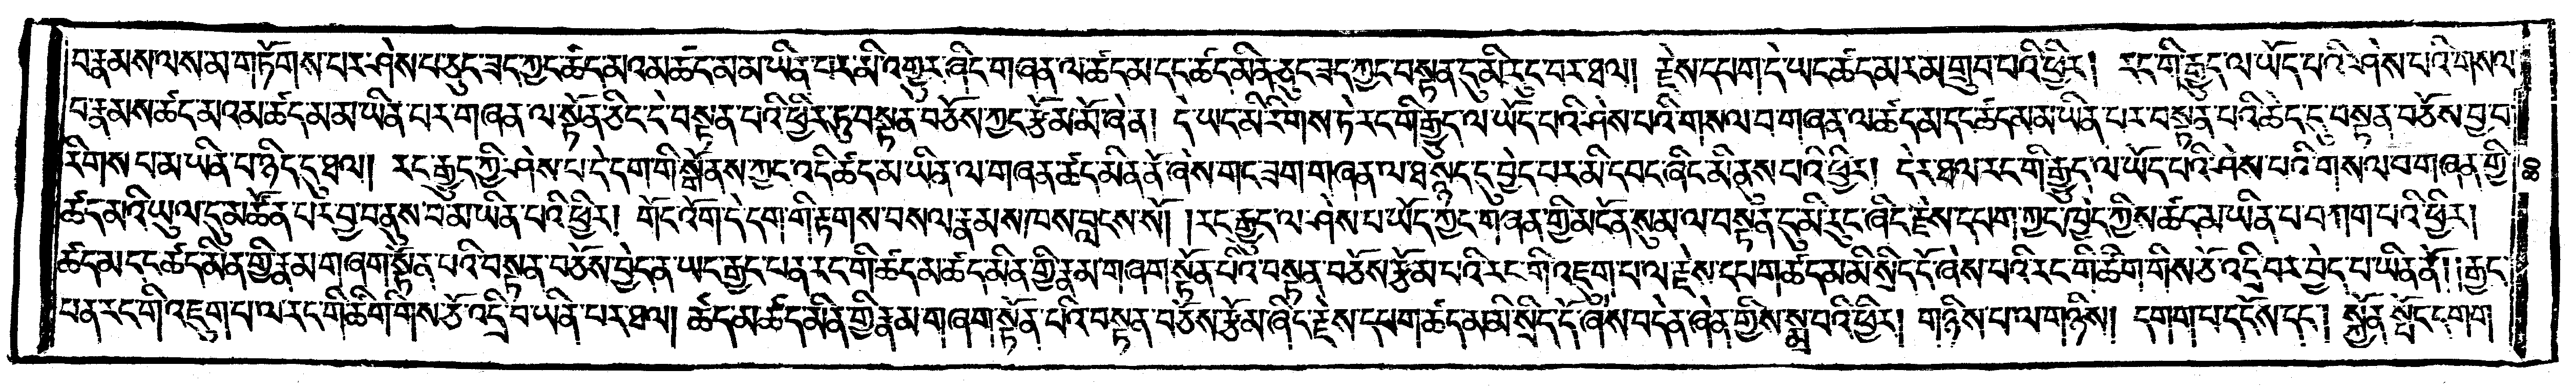བ་རྣམས་ལས་མ་གཏོགས་པར་ཤེས་པ་ཅུང་ཟད་ཀྱང་ཚད་མའམ་ཚད་མ་མ་ཡིན་པར་མི་འགྱུར་ཞིང་གཞན་ལ་ཚད་མ་དང་ཚད་མིན་ཅུང་ཟད་ཀྱང་བསྟན་དུ་མི་རུང་བར་ཐལ། རྗེས་དཔག་དེ་ཡང་ཚད་མར་མ་གྲུབ་པའི་ཕྱིར། རང་གི་རྒྱུད་ལ་ཡོད་པའི་ཤེས་པའི་གསལ་
བ་རྣམས་ཚད་མའམ་ཚད་མ་མ་ཡིན་པར་གཞན་ལ་སྟོན་ཅིང་དེ་བསྟན་པའི་ཕྱིར་ཏུ་བསྟན་བཅོས་ཀྱང་རྩོམ་མོ་ཞེ་ན། དེ་ཡང་མི་རིགས་ཏེ་རང་གི་རྒྱུད་ལ་ཡོད་པའི་ཤེས་པའི་གསལ་བ་གཞན་ལ་ཚད་མ་དང་ཚད་མ་མ་ཡིན་པར་བསྟན་པའི་ཆེད་དུ་བསྟན་བཅོས་བྱ་བ་
རིགས་པ་མ་ཡིན་པ་ཉིད་དུ་ཐལ། རང་རྒྱུད་ཀྱི་ཤེས་པ་དེ་དག་གི་སྒོ་ནས་ཀྱང་འདི་ཚད་མ་ཡིན་ལ་གཞན་ཚད་མིན་ནོ་ཞེས་གང་ཟག་གཞན་ལ་ཐ་སྙད་དུ་བྱེད་པར་མི་དབང་ཞིང་མི་ནུས་པའི་ཕྱིར། དེར་ཐལ་རང་གི་རྒྱུད་ལ་ཡོད་པའི་ཤེས་པའི་གསལ་བ་གཞན་གྱི་
ཚད་མའི་ཡུལ་དུ་མཚོན་པར་བྱ་བ་ནུས་པ་མ་ཡིན་པའི་ཕྱིར། གོང་འོག་དེ་དག་གི་རྟགས་བསལ་རྣམས་ཁས་བླངས་སོ། །རང་རྒྱུད་ལ་ཤེས་པ་ཡོད་ཀྱང་གཞན་གྱི་མངོན་སུམ་ལ་བསྟན་དུ་མི་རུང་ཞིང་རྗེས་དཔག་ཀྱང་ཁྱེད་ཀྱིས་ཚད་མ་ཡིན་པ་བཀག་པའི་ཕྱིར།
ཚད་མ་དང་ཚད་མིན་གྱི་རྣམ་གཞག་སྟོན་པའི་བསྟན་བཅོས་བྱེད་ན་ཡང་རྒྱད་པན་རང་གི་ཚད་མ་ཚད་མིན་གྱི་རྣམ་གཞག་སྟོན་པའི་བསྟན་བཅོས་རྩོམ་པའི་རང་གི་འཇུག་པ་ལ་རྗེས་དཔག་ཚད་མ་མི་སྲིད་དོ་ཞེས་པའི་རང་གི་ཚིག་གིས་ཅོ་འདྲི་བར་བྱེད་པ་ཡིན་ནོ། །རྒྱད་
པན་རང་གི་འཇུག་པ་ལ་རང་གི་ཚིག་གིས་ཅོ་འདྲི་བ་ཡིན་པར་ཐལ། ཚད་མ་ཚད་མིན་གྱི་རྣམ་གཞག་སྟོན་པའི་བསྟན་བཅོས་རྩོམ་ཞིང་རྗེས་དཔག་ཚད་མ་མི་སྲིད་དོ་ཞེས་བདེན་ཞེན་གྱིས་སྨྲ་བའི་ཕྱིར། གཉིས་པ་ལ་གཉིས། དགག་པ་དངོས་དང་། སྐྱོན་སྤོང་དགག་